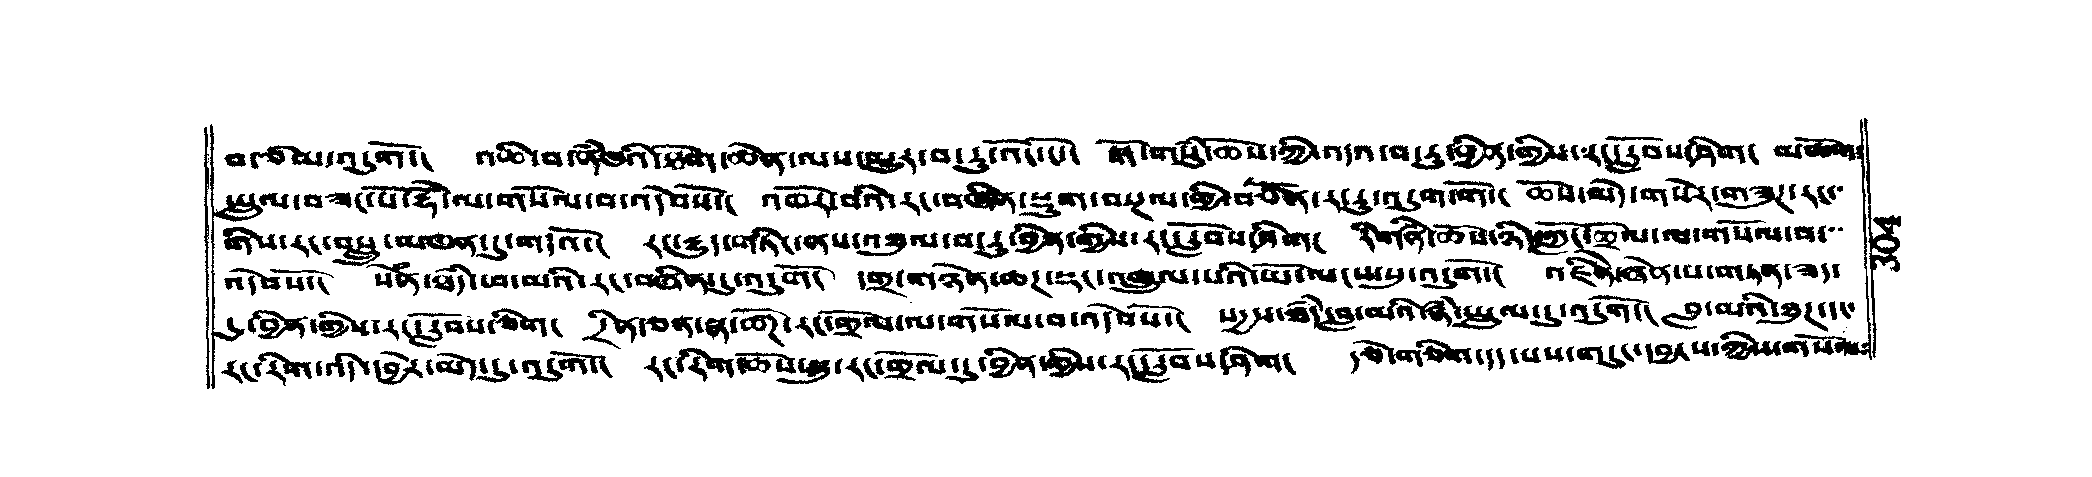བ་ཙམ་འདུག་གོ །འཆི་བ་ནམ་མཁའི་ཐོག་ཆེན་ལས་མྱུར་བ་རུ་འོང་ངོ། །སྒོ་གསུམ་ཆོས་ཀྱིས་འདའ་བ་རུ་བྱིན་གྱིས་རང་རློབས་ཤིག །མཆོག་
སྤྲུལ་བཟང་པོ་རྡོ་རྗེ་ལ་གསོལ་བ་འདེབས་སོ། །འཁོར་བའི་རང་བཞིན་སྡུག་བསྔལ་གྱི་བཙོན་ར་རུ་འདུག་གོ །ཆོས་མེད་སེར་གཟུགས་རང་
གིས་རང་བསྲུང་མཁན་དུ་གདའ་འོ། །རང་རྒྱུད་གཏིང་ནས་འཐུལ་བ་རུ་བྱིན་གྱིས་རང་རློབས་ཤིག །རིག་འཛིན་ཆོས་ཉིད་ཀློང་གྲོལ་ལ་གསོལ་བ་
འདེབས་སོ། །སེམས་ཅན་ཐམས་ཅད་ཕ་མའི་རང་བཞིན་དུ་འདུག་གོ །དགྲ་གཉེན་ཆགས་སྡང་འཁྲུལ་པའི་ཡོ་ལངས་སུ་འདུག་གོ །འཇིག་རྟེན་ཞེན་པ་གཏན་ཟད་
དུ་ཕྱིན་གྱིས་རང་རློབས་ཤིག །དྲིན་ཆན་སྣ་ཚོགས་རང་གྲོལ་ལ་གསོལ་བ་འདེབས་སོགས། །སངས་རྒྱས་ཐོད་བླ་མའི་རྣམ་སྤྲུལ་དུ་འདུག་གོ །བླ་མའི་ཐུགས་དང་
རང་རིག་འདི་དབྱེར་མེད་དུ་འདུག་གོ །རང་རིག་ཆོས་སྐུ་རང་གྲོལ་དུ་བྱིན་གྱིས་རང་རློབས་ཤིག །རྩེ་གཅིག་དད་པས་གདུང་དབྱངས་ཀྱིས་གསོལ་